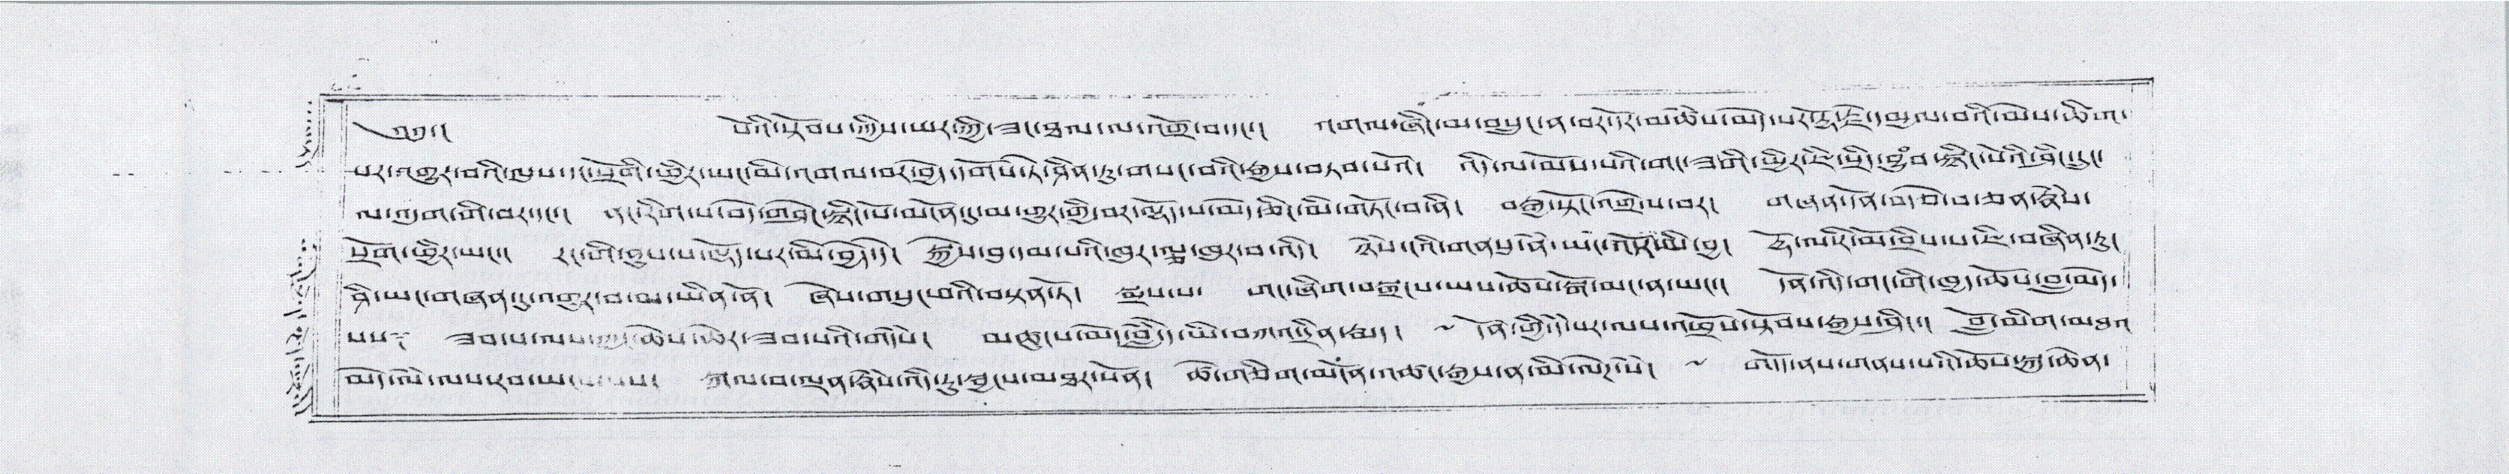པོའི་སྟོབས་ཀྱིས་ཡར་གྱི་ཟང་ཐལ་ལ་འགྲོི་བ་དང་། འགལ་ཞིང་མ་བསྲུང་ན་བར་དོར་མཚམས་མེད་པར་རྡོ་རྗེ་དམྱལ་བའི་མེས་ཚིག་
པར་འགྱུར་བའི་ལུས་དང་སྲོག་གི་ཕྱིར་ཡང་མི་འགལ་བར་བྱེད་དགོས་ཏེ་ཤིན་ཏུ་གསང་བའི་རྒྱས་བཏབ་པའོ། འདི་ལ་མོས་པའི་གང་ཟག་གི་ཕྱིར་ཇི་སྲིད་བྱང་ཆུབ་སྙིང་པོའི་ཤིང་དྲུང་
ལ་འདུག་པའི་བར་དང་། ནང་རིག་པ་བདེར་གཤེགས་སྙིང་པོ་མངོན་དུ་མ་གྱུར་གྱི་བར་ལྷོད་པ་མེད་ཅིང་མི་གཏོང་བ་ནི། བརྒྱད་སྟོང་འགྲེལ་བར། གཞན་དོན་བརྩེ་བ་ཅན་རྣམས་
སྲོག་ཕྱིར་ཡང་། རང་གི་ནུས་པ་ལྷོད་པར་མི་བྱེད་དེ། སྐྱེས་བུ་དམ་པའི་ཁུར་རྩ་ཁུར་བ་འདི། ཉམས་ངའི་གནས་སུ་ནམ་ཡང་འདོར་མི་བྱ། རྡོ་ལ་རི་མོ་བྲིས་པ་ཇི་བཞིན་དུ། 
ཤི་ཡང་གཞན་དུ་འགྱུར་བ་མ་ཡིན་ནོ། ཞེས་གསུངས་པས་བསྟན་ནོ། སྨྲས་པ། གང་ཞིག་བགྲང་ཡས་ཆོས་སྒོ་མང་ན་ཡང་། །དོན་འདི་གང་གི་ཁྱད་ཆོས་བླ་མེད་
པས། །ཟབ་པ་ལས་ཀྱང་ཆེས་ཆེར་ཟབ་པའི་གདམས། །མཚུངས་མེད་བླ་མ་དེ་ཡི་བཀའ་དྲིན་རྨད།། ༧ དོན་གྱི་དམ་པར་ལས་འཕྲོས་སྟོབས་རྒྱས་ཤིང་། །བློ་མིག་མཐའ་
མེད་ལམ་ལས་རབ་ཡངས་པས། སྐལ་པ་ལྡན་རྣམས་འདི་རུ་སྦྱངས་མཐར་སོན། །ཚེ་གཅིག་མངོན་སངས་རྒྱས་ན་མི་ལེགས་སམ།། ༧ གདོད་ནས་གནས་པའི་ཆོས་སྐུ་ཆེན་